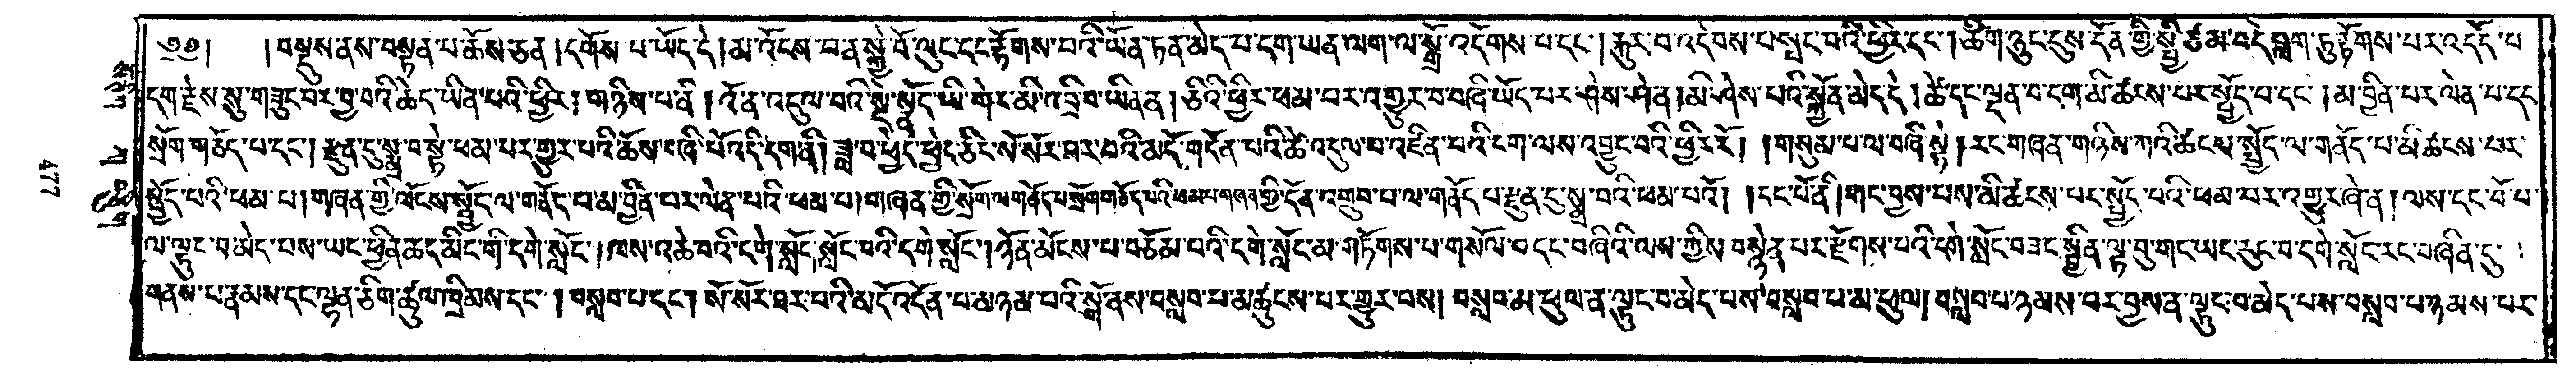༄༅། །བསྡུས་ནས་བསྟན་པ་ཆོས་ཅན་།དགོས་པ་ཡོད་དེ། མ་འོངས་པ་ན་སྐྱེ་བོ་ལུང་དང་རྟོགས་བའི་ཡོན་ཏན་མེད་པ་དག་ཡན་ལག་ལ་སྒྲོ་འདོགས་པ་དང་། རྐུར་བ་འདེབས་པ་སྤང་བའི་ཕྱིར་དང་། ཚིག་ཉུང་དུས་དོན་གྱི་སྤྱི་ཙམ་བདེ་བླག་ཏུ་རྟོགས་པར་འདོད་པ་
དག་རྗེས་སུ་གཟུང་བར་བྱ་བའི་ཆེད་ཡིན་པའི་ཕྱིར། གཉིས་པ་ནི། འོ་ན་འདུལ་བའི་སྡེ་སྣོད་ཡི་གེར་མི་འབྲི་བ་ཡིན་ན། ཅིའི་ཕྱིར་ཕམ་བར་འགྱུར་བ་བཞི་ཡོད་པར་ཤེས་ཤེ་ན། མི་ཤེས་པའི་སྐྱོན་མེད་དེ་།ཚེ་དང་ལྡན་བ་དག་མི་ཚངས་པར་སྤྱོད་བ་དང་།མ་བྱིན་པར་ལེན་པ་དང་
སྲོག་གཅོད་པ་དང་། རྫུན་དུ་སྨྲ་བ་སྟེ་ཕམ་པར་གྱུར་པའི་ཆོས་བཞི་པོ་འདི་དག་ནི། ཟླ་བ་ཕྱེད་ཕྱེད་ཅིང་སོ་སོར་ཐར་བའི་མདོ་གདོན་པའི་ཚེ་འདུལ་བ་འཛིན་བའི་ངག་ལས་འབྱུང་བའི་ཕྱིར་རོ། །གསུམ་པ་ལ་བཞི་སྟེ། རང་གཞན་གཉིས་ཀའི་ཚངས་སྤྱོད་ལ་གནོད་པ་མི་ཚངས་པར་
སྤྱོད་པའི་ཕམ་པ། གཞན་གྱི་ལོངས་སྤྱོད་ལ་གནོད་པ་མ་བྱིན་པར་ལེན་པའི་ཕམ་པ། གཞན་གྱི་སྲོག་ལ་གནོད་པ་སྲོག་གཅོད་པའི་ཕམ་པ་གཞན་གྱི་དོན་འགྲུབ་པ་ལ་གནོད་བརྫུན་དུ་སྨྲ་བའི་ཕམ་པའོ། །དང་པོ་ནི། གང་བྱས་པས་མི་ཚངས་པར་སྤྱོད་པའི་ཕམ་པར་འགྱུར་ཞེ་ན། ལས་དང་པོ་པ་
ལ་ལྟུང་བ་མེད་པས་ཡང་ཕྱིན་ཆད་མིང་གི་དགེ་སློང་། ཁས་འཆེ་བའི་དགེ་སློང་སློང་བའི་དགེ་སློང་།ཉོན་མོངས་པ་བཅོམ་པའི་དགེ་སློང་མ་གཏོགས་པ་གསོལ་བ་དང་བཞིའི་ལས་ཀྱིས་བསྙེན་པར་རྫོགས་པའི་དགེ་སློང་བཟང་སྦྱིན་ལྟ་བུ་གང་ཡང་རུང་བ་དགེ་སློང་རང་བཞིན་དུ་
གནས་པ་རྣམས་དང་ལྷན་ཅིག་ཚུལ་ཁྲིམས་དང་།བསླབ་པ་དང་། སོ་སོར་ཐར་བའི་མདོ་འདོན་པ་མཉམ་པའི་སྒོ་ནས་བསླབ་པ་མཚུངས་པར་གྱུར་བས། བསླབ་མ་ཕུལ་ན་ལྟུང་བ་མེད་པས་བསླབ་པ་མ་ཕུལ། བསླབ་པ་ཉམས་བར་བྱས་ན་ལྟུང་བ་མེད་པས་བསླབ་པ་ཉམས་པར་